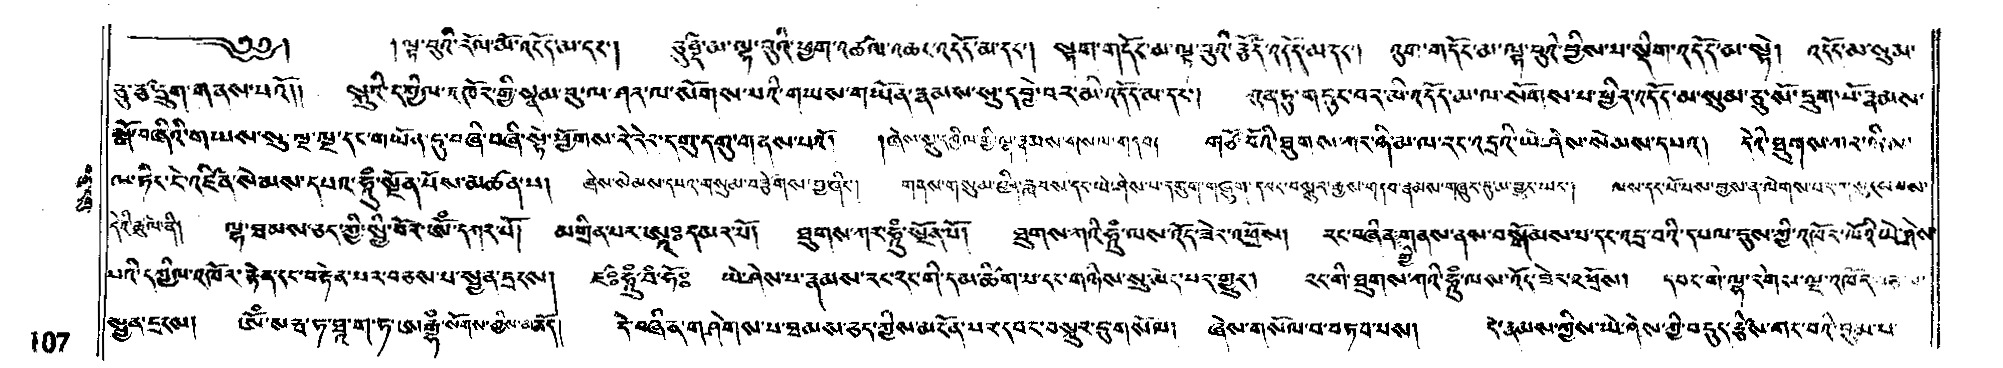༄༅། །ལྟ་བུའི་རོལ་མོ་འདོད་མ་དང་། ཙུནྡ་མ་ལྟ་བུའི་ཕྱག་འཚལ་འཆང་འདོད་མ་དང་། སྟག་གདོང་མ་ལྟ་བུའི་རྩོད་འདོད་མ་དང་། འུག་གདོང་མ་ལྟ་བུའི་བྱིས་པ་སྡིག་འདོད་མ་སྟེ། འདོད་མ་སུམ་
ཅུ་རྩ་དྲུག་གནས་པའོ།། སྐུའི་དཀྱིལ་འཁོར་གྱི་སྣམ་བུ་ལ་ཤར་ལ་སོགས་པའི་གཡས་གཡོན་རྣམས་སུ་དབྱེ་བར་མི་འདོད་མ་དང་། ཀུན་ཏུ་གདུང་བར་མི་འདོད་མ་ལ་སོགས་པ་ཕྱིར་འདོད་མ་སུམ་ཅུ་སོ་དྲུག་པོ་རྣམས་
སྒོ་བཞིའི་གཡས་སུ་ལྔ་ལྔ་དང་གཡོན་དུ་བཞི་བཞི་སྟེ་ཕྱོགས་རེ་རེར་དགུ་དགུ་གནས་པའོ། །ཞེས་སྐུ་དཀྱིལ་གྱི་ལྷ་རྣམས་གསལ་གདབ།  གཙོ་བོའི་ཐུགས་ཀར་ཉི་མ་ལ་རང་འདྲའི་ཡེ་ཤེས་སེམས་དཔའ། དེའི་ཐུགས་ཀར་ཉི་མ་
ལ་ཏིང་ངེ་འཛིན་སེམས་དཔའ་ཧཱུཾ་སྔོན་པོས་མཚན་པ། ཞེས་སེམས་དཔའ་གསུམ་བརྩེགས་བྱ་ཞིང་། གནས་གསུམ་བྱིན་རླབས་དང་ཡེ་ཤེས་པ་དགུག་གཞུག་དབང་བསྐུར་རྒྱས་གདབ་རྣམས་གཞུང་ཏུ་མ་བྱུང་ཡང་། ལས་དང་པོ་པས་བྱས་ན་ལེགས་པར་གསུངས་པས་
དེའི་ཚུལ་ནི། ལྷ་ཐམས་ཅད་ཀྱི་སྤྱི་བོར་ཨོཾ་དཀར་པོ། མགྲིན་པར་ཨཱཿ དམར་པོ། ཐུགས་ཀར་ཧཱུཾ་སྔོན་པོ། ཐུགས་ཀའི་ཧཱུཾ་ལས་འོད་ཟེར་འཕྲོས། རང་བཞིན་གྱི་གནས་ནས་བསྒོམས་པ་དང་འདྲ་བའི་དཔལ་དུས་ཀྱི་འཁོར་ལོའི་ཡེ་ཤེས་
པའི་དཀྱིལ་འཁོར་རྟེན་དང་བརྟེན་པར་བཅས་པ་སྤྱན་དྲངས། ཛཿ ཧཱུཾ་བཾ་ཧོཿ ཡེ་ཤེས་པ་རྣམས་རང་རང་གི་དམ་ཚིག་པ་དང་གཉིས་སུ་མེད་པར་གྱུར། རང་གི་ཐུགས་ཀའི་ཧཱུཾ་ལས་འོད་ཟེར་འཕྲོས། དབང་གི་ལྷ་རེགས་ལྔ་འཁོར་བཅས་
སྤྱན་དྲངས། ཨོཾ་སརྦ་ཏ་ཐཱ་ག་ཏ་ཨརྒྷཾ་སོགས་ཀྱིས་མཆོད།  དེ་བཞིན་གཤེགས་པ་ཐམས་ཅད་ཀྱིས་མངོན་པར་དབང་བསྐུར་དུ་གསོལ། ཞེས་གསོལ་བ་བཏབ་པས། དེ་རྣམས་ཀྱིས་ཡེ་ཤེས་ཀྱི་བདུད་རྩིས་གང་བའི་བུམ་པ་